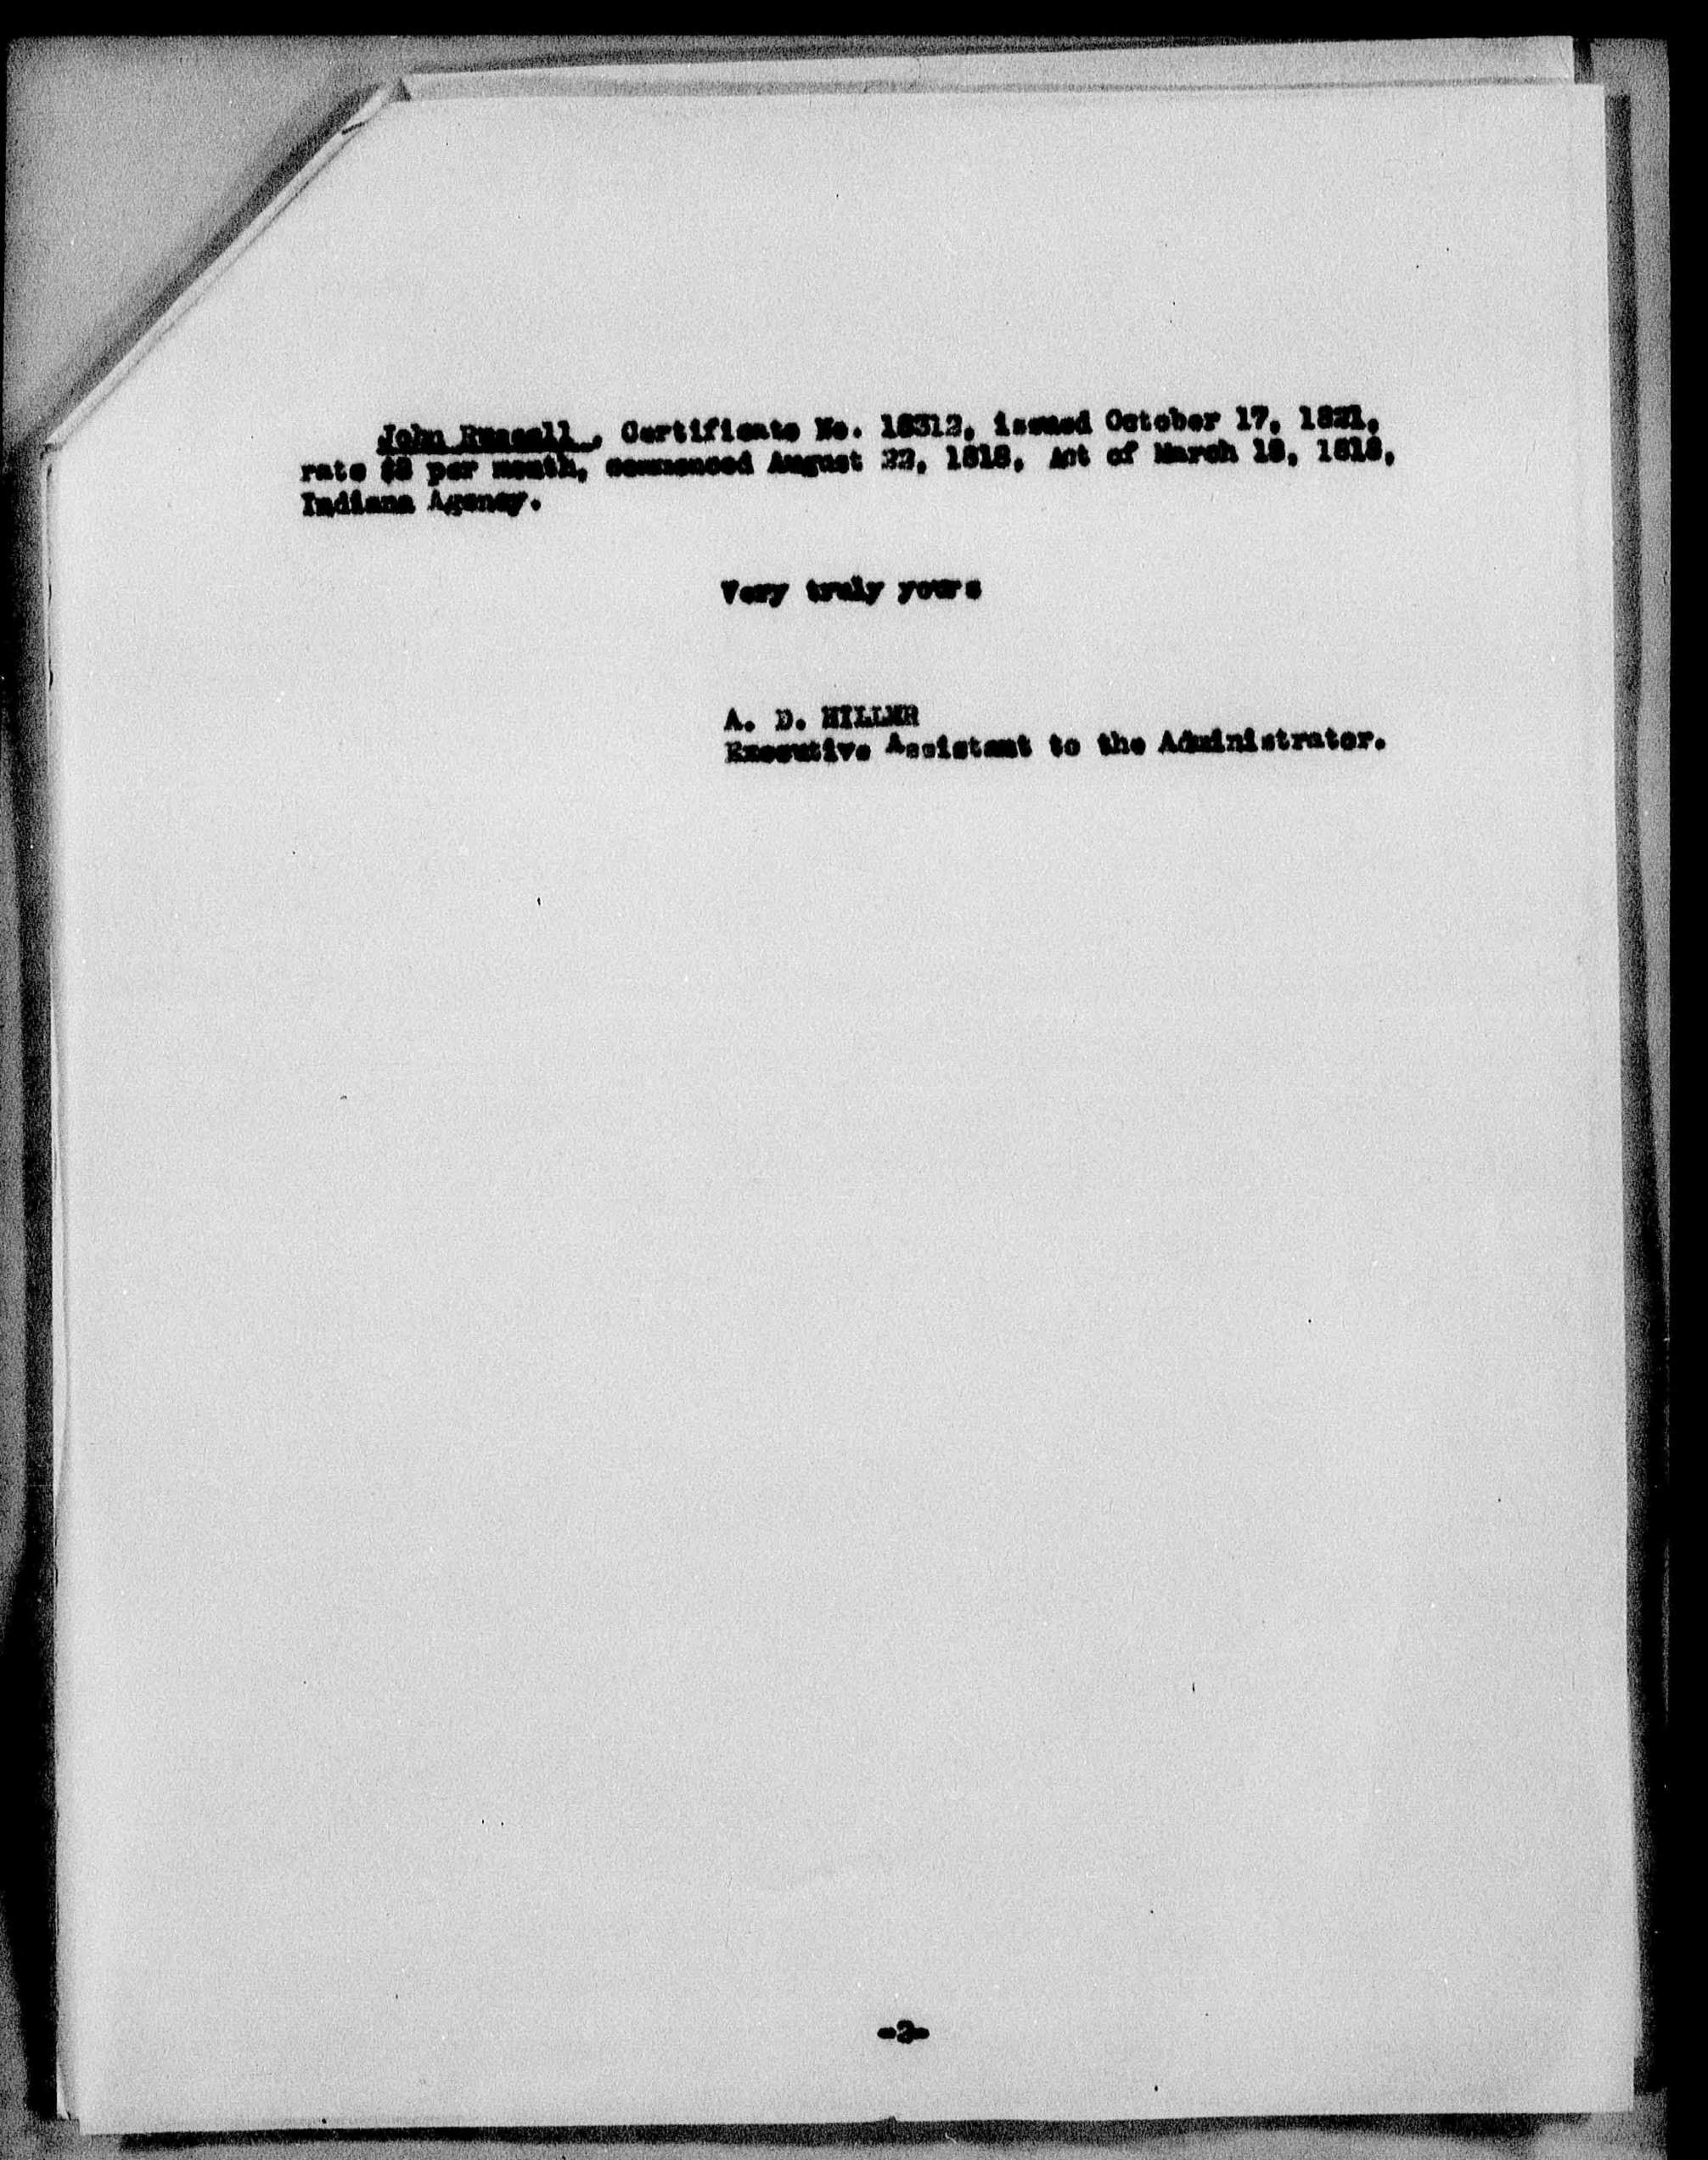John Russell, Certificate No. 18312, issued October 17, 1821, rate $8 per month, commenced August 22, 1818, Act of March 18, 1818, Indiana Agency.

Very truly yours


A. D. Hiller
Executive Assistant to the Administrator.




                               -2-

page: 10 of 17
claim: survivor's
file: S. 16889, for Epaphras Jones, Connecticut